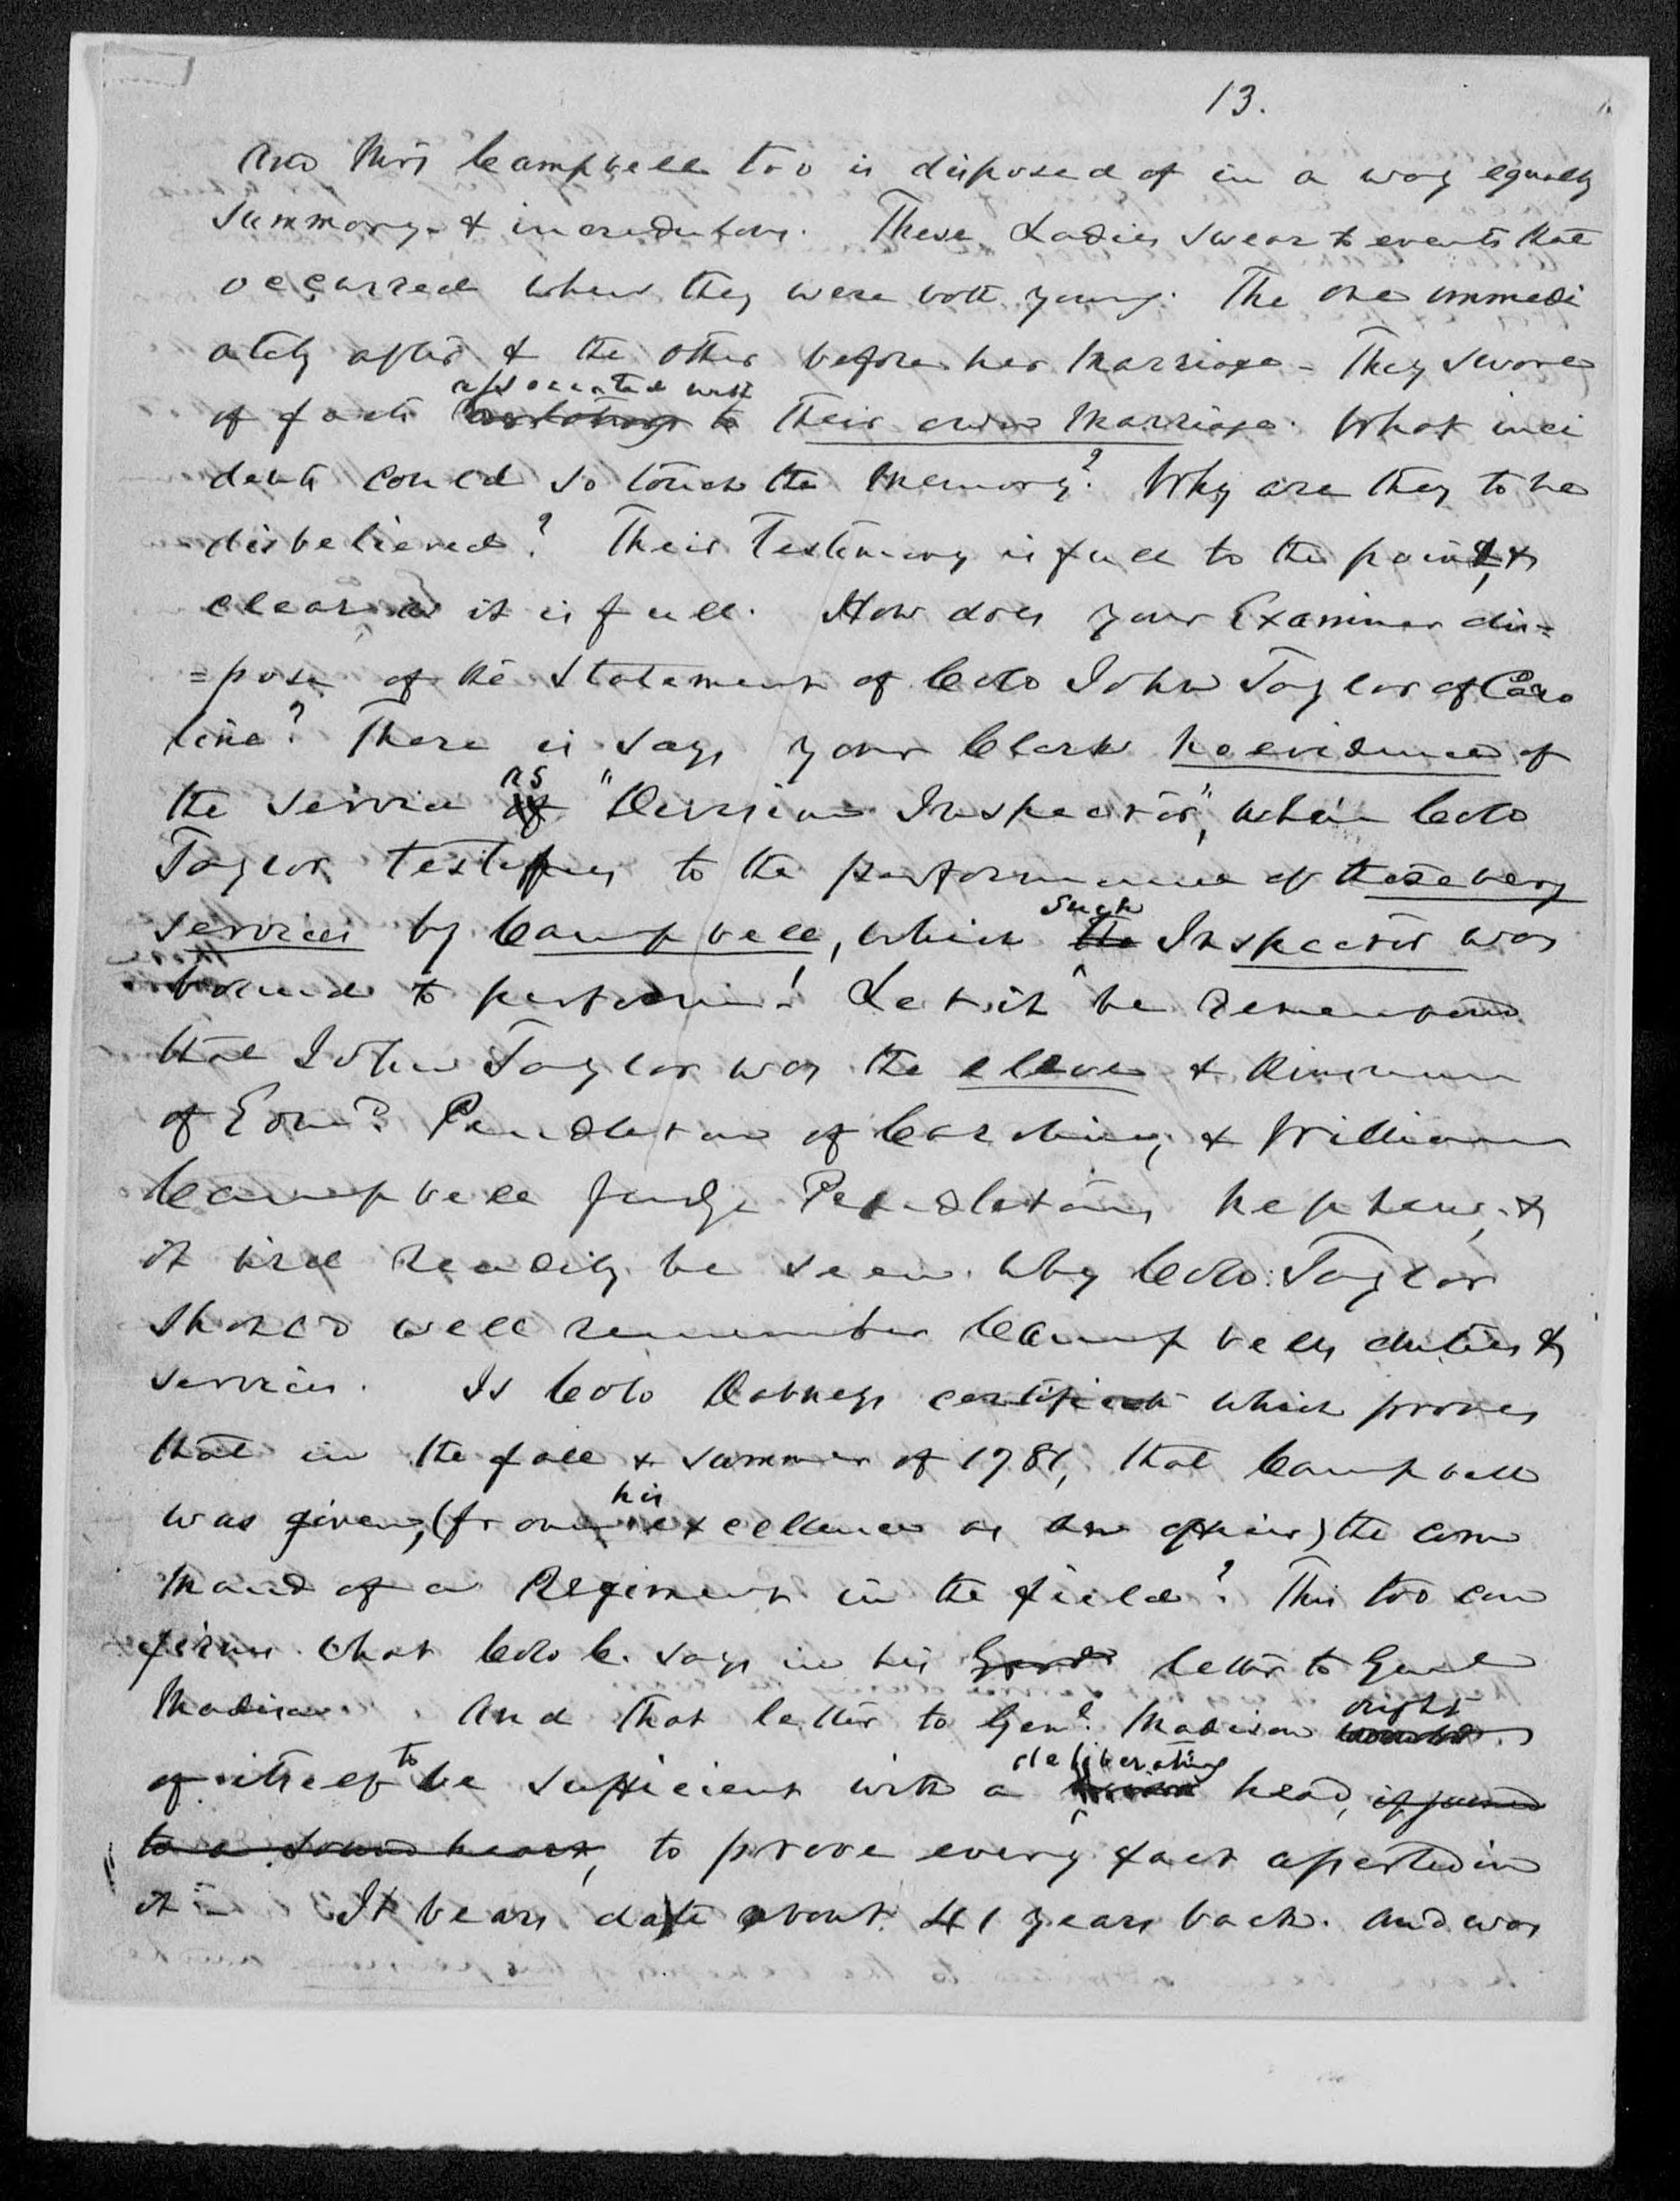13.
and this Campbell too is disposed of in a way equally Summary & incredulous. These Ladies swear  to events that occurred when they were both young. The one immediately after & the other before her marriage. They swore of facts associated with their own marriage. What incident could so touch the memory? Why are they to be disbelieved?  Their testimony is full to the point & clear as it is full. How does your examiner dispose of the statement of Col John Taylor of Carolina?  There is says your Clerk no evidence of the service as "Division Inspector" When Colo Taylor testified to the performance of these very services by Campbell, which such Inspector was [?] to perform! Let it be remembered that John Taylor was the [?] & kinsman of Edw'd Pendleton of Carolina & William Campbell Judge Pendletons nephew & it will readily be seen why Colo. Taylor should well remember Campbells duties & services. Is Colo Dabneys certificate which proves that in the fall & summer of 1781 that Campbell was given (from his excellence as an officer) the command of a Regiment in the field? This too can prove what Col C. says in his letter to Gen'l Madison.  And that letter to Gen'l Madison ought [?] to be sufficient with a deliberating head [marked out: if joined to a sound heart] to prove every act asserted in It.  It bears date about 41 years back and was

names: John Taylor, John Taylor, Madison, Campbell, Campbell, William Campbell, Taylor, Madison, Dabney, Campbell, Taylor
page: 235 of 267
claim: widow's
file: W. 4,149, William Campbell, Va.